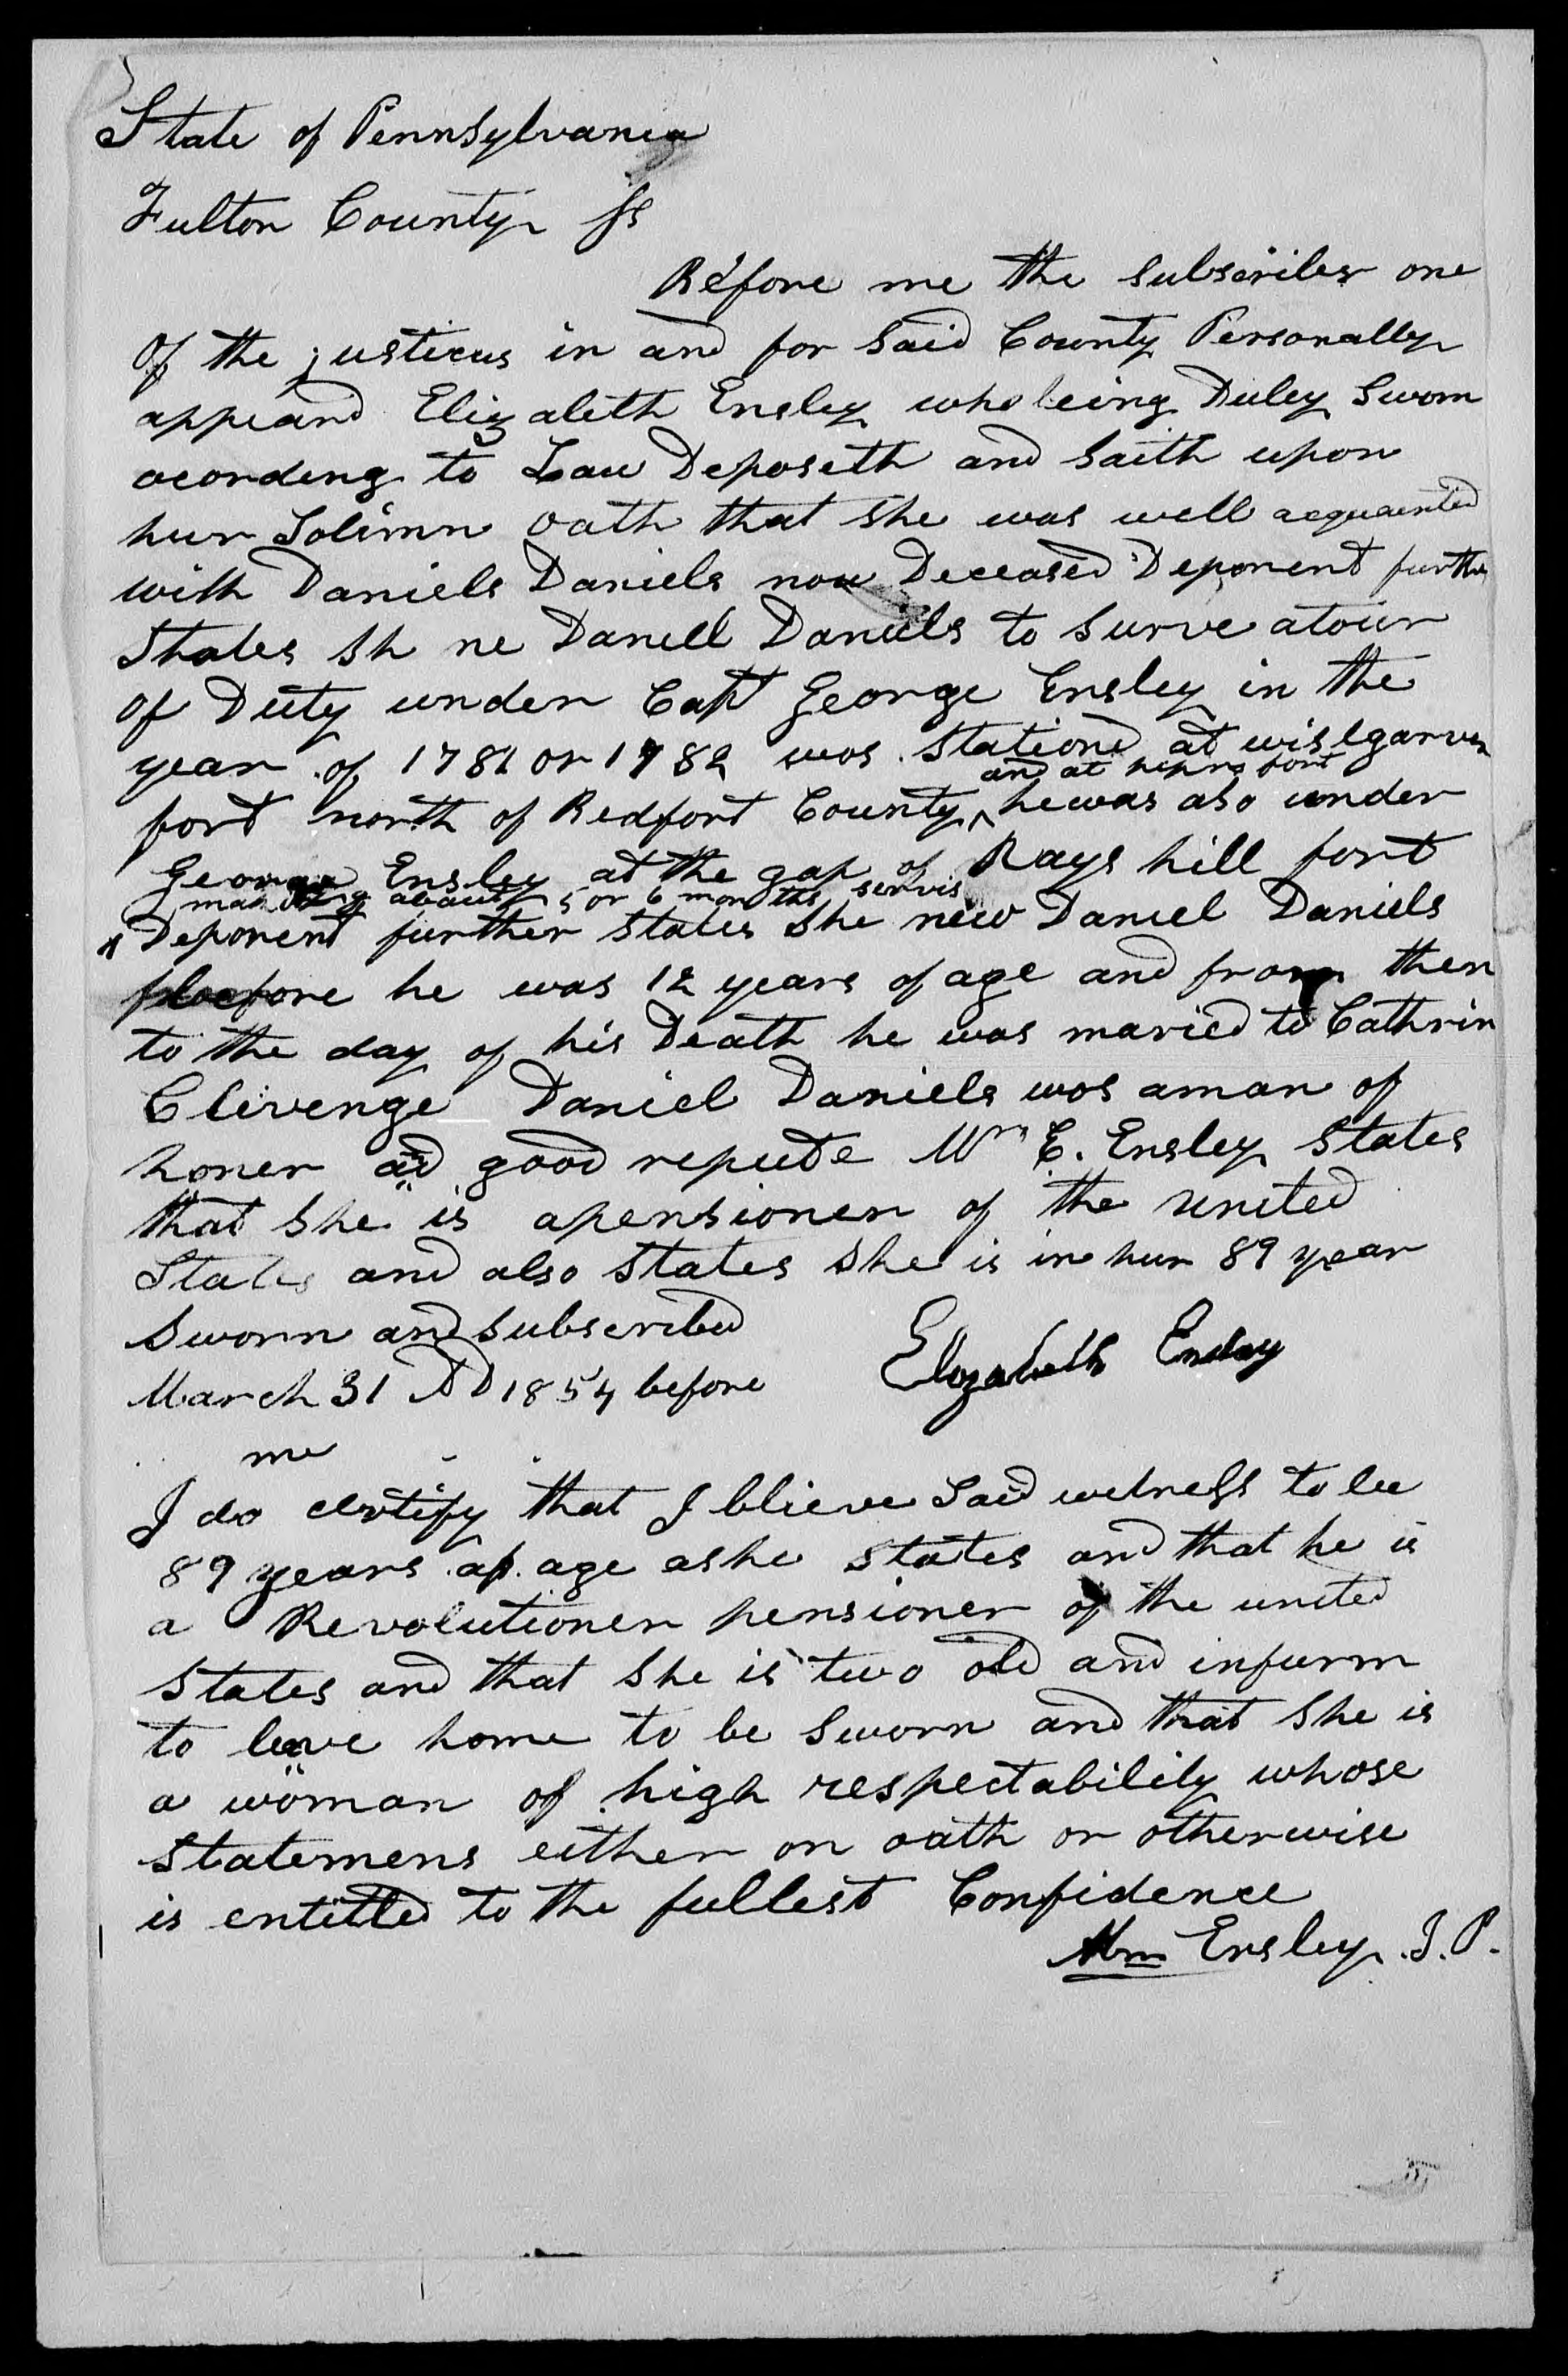State of Pennsylvania
Fulton County SS
Before me the subscriber one
of the justices in and for said County Personally
appeared Elizabeth Ensley who being Duly Sworn
according to Law Deposeth and Saith upon
her solemn oath that she was well acquainted
with Daniel Daniels now deceased deponent further
States sh ne Daniel Daniels to Surve atour
of duty under Capt George Ensley in the
year of 1781 or 1782 was stationed at [Willgarver?]
fort north of Bedford County and at [illegible] fort he was also under
George Ensley at the gap of Rays hill fort
making about 5 or 6 months service
Deponent further states she new Daniel Daniels
before he was 12 years of age and from then
to the day of his death he was married to Cathrin
Clevenge Daniel Daniels was a man of
honer and good repute Wm E. Ensley States
that she is a pensioner of the United
States and also states she is in her 89 year
Elizabeth Ensley
Sworn and subscribed
March 31 AD 1854 before
me

I do certify that I believe said witness to be
89 years age as she states and that he is a
Revolutioner pensioner of the united
States and that she is two old and inform
to leave home to be sworn and that she is
a woman of high respectability whose
statement either on oath or otherwise
is entitled to the fullest
Confidence
Abm Ensley J.P.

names: George Ensley, Abm Ensley, Daniels, Elizabeth Ensley, George Ensley, Daniels, E Ensley, Cathrin Clevenge, Daniel Daniels, Elizabeth Ensley, Daniel Daniels, Daniel Daniels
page: 19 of 35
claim: rejected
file: R. 2,650, Daniel Daniels, Penn.